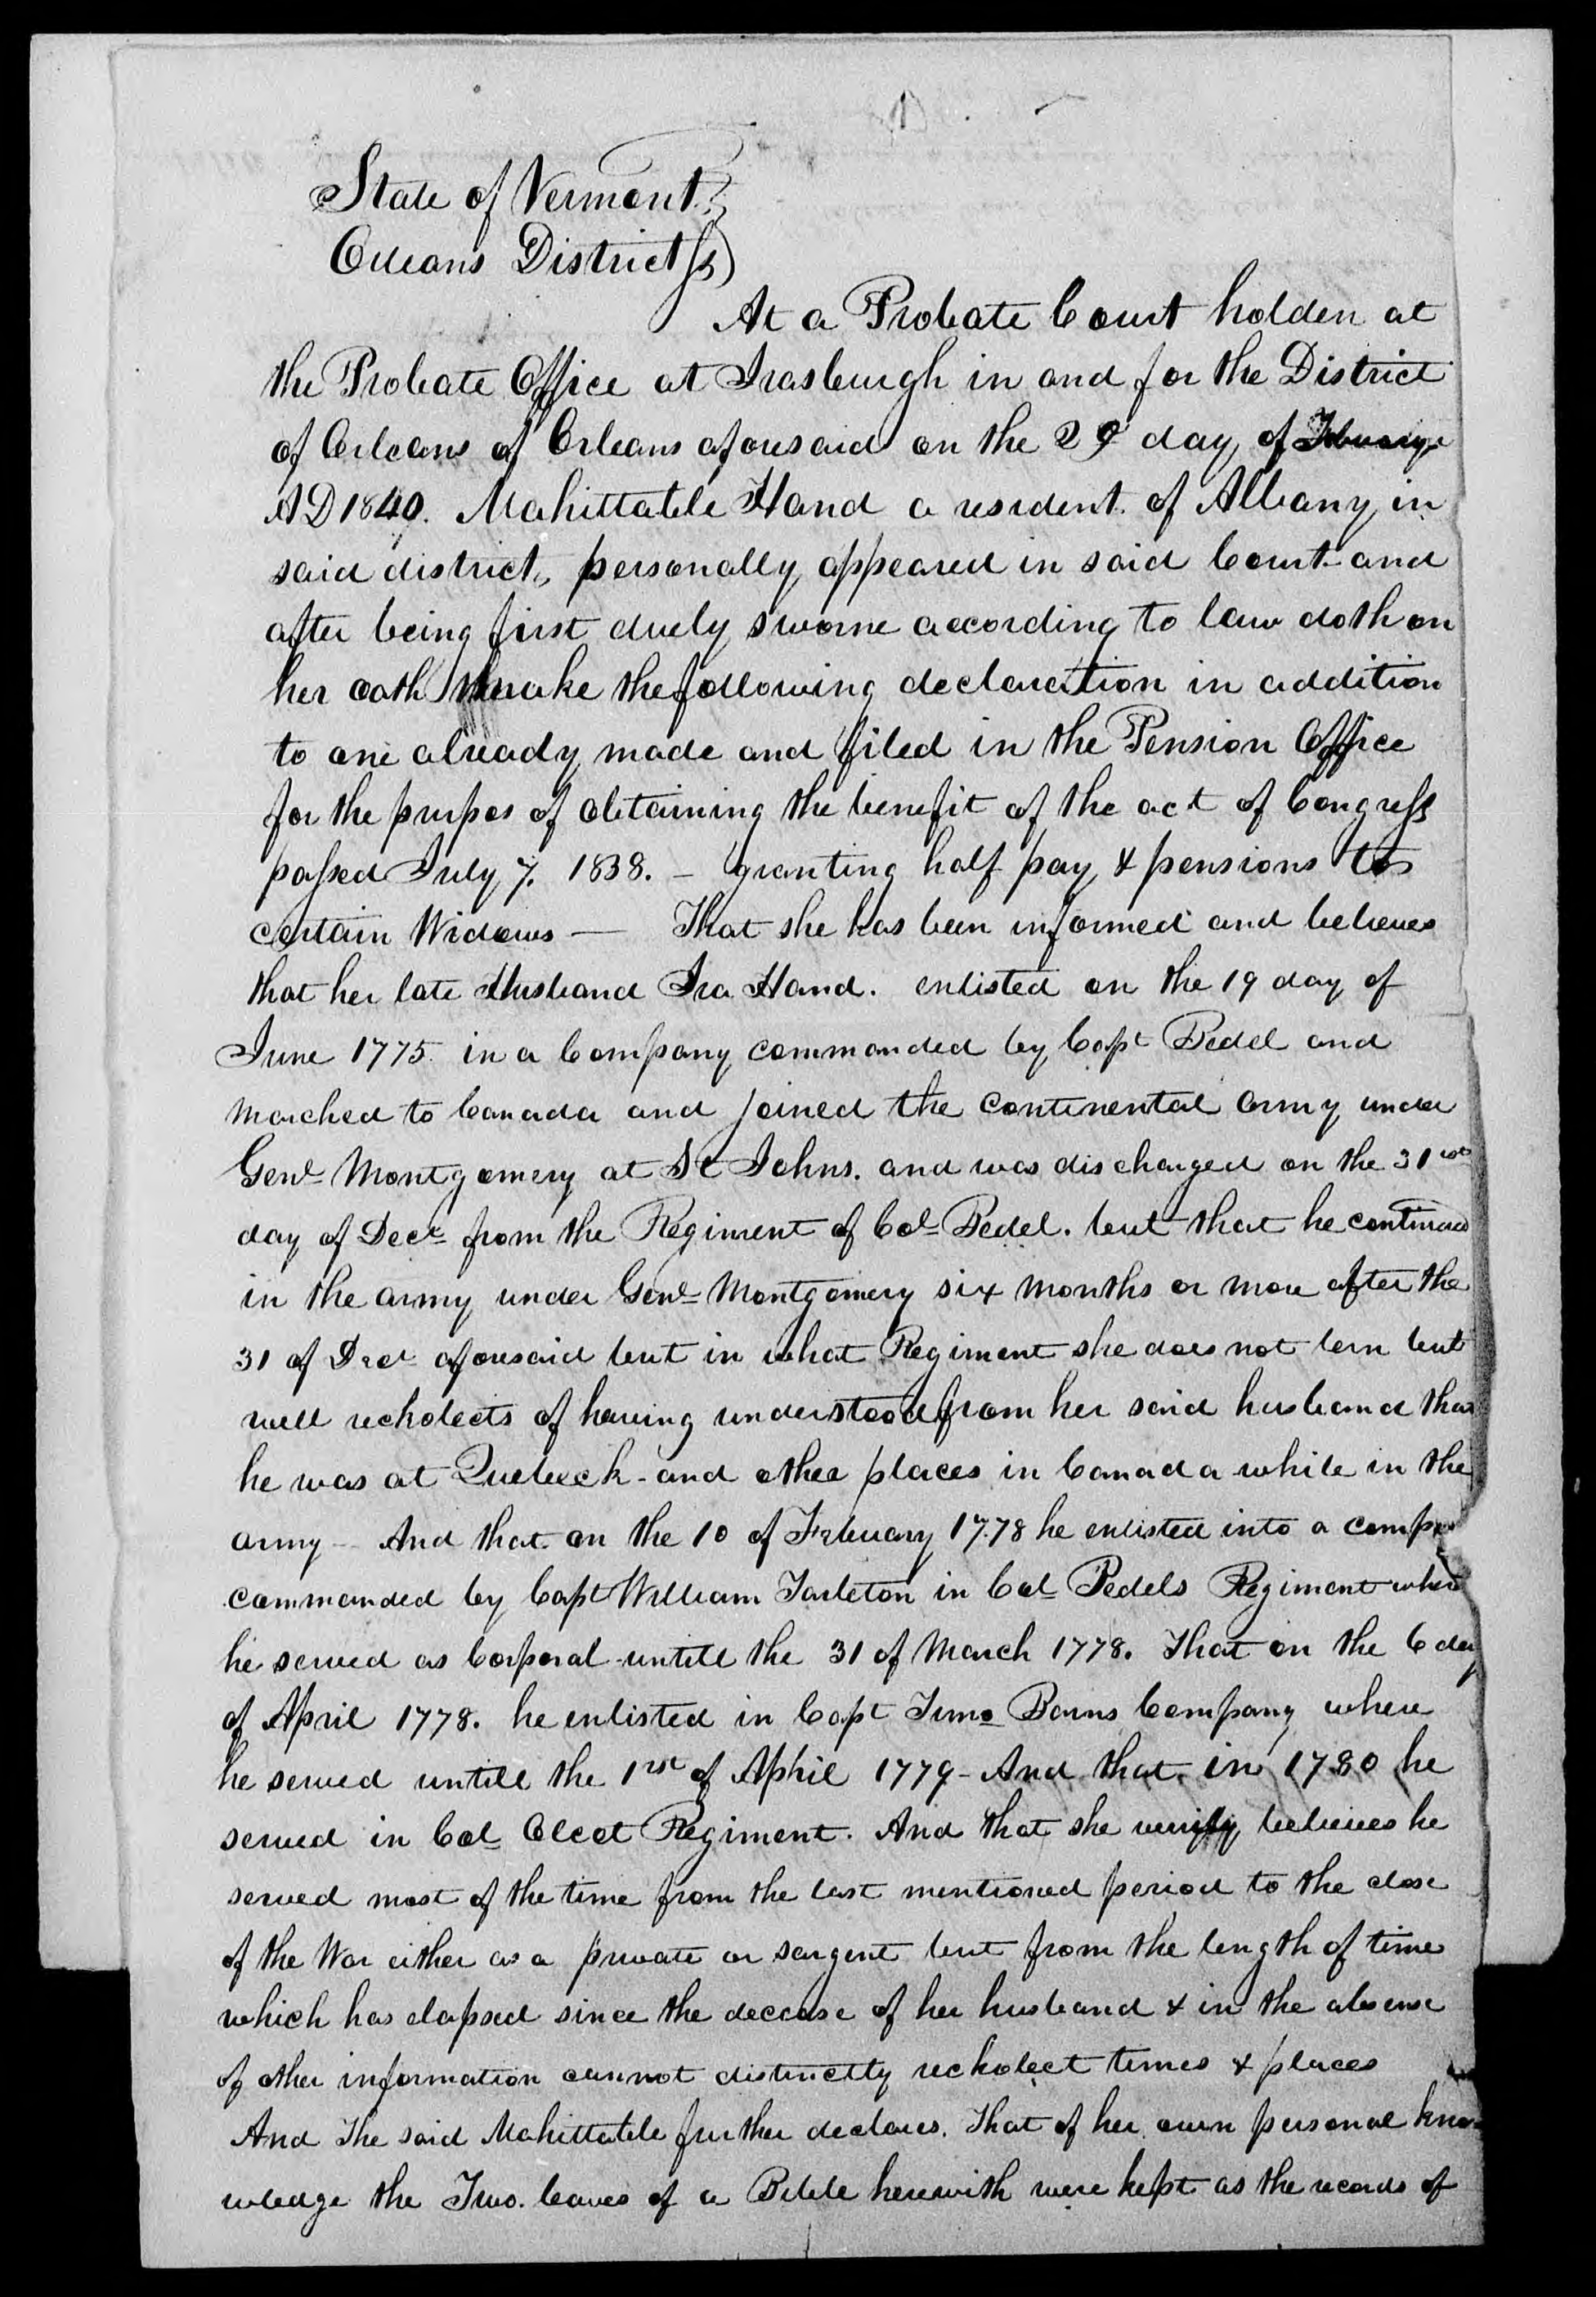State of Vermont
Orleans District
At a Probate Court holden at the Probate Office at Irasburgh in and for the District
of Orleans of Orleans aforesaid on the 29 day of February AD 1840 Mahittable Hand a resident of Albany in said district personally appeared in said Court and after being first duly sworn according to law doth on her oath make the following declaration in addition to
one already made and filed in the Pension Office for the purpose of obtaining the benefit of the act of Congress passed July 7. 1838. granting half pay & pensions to certain widows- That she has been informed and believes that her late Husband Ira Hand, enlisted on the 19 day of June 1775 in a company commanded by Capt Bedel and
marched to Canada and joined the continental army under Genl Montgomery at St Johns and was discharged on the 31st day of Decr from the Regiment of Col Bedel, but that he continued in the army under Genl Montgomery six months or more after the 
31 of Decr aforesaid but in what Regiment she does not ? but well recollects of having understood from her said husband that he was at Quebeck and other places in Canada while in the army. And that on the 10 of February 1778 he enlisted into a company commanded by Capt William Tarleton in Col Bedels Regiment where he served as Corporal untill the 31 of March 1778. That on the 6 day
of April 1778. he enlisted in Capt Timo Barns Company where he served untill the 1st of April 1779. And that in 1780 he served in Col Alcot Regiment. And that she verify believes he
served most of the time from the last mentioned period to the close of the War either as a private or sargent but from the length of time which has elapsed since the decease of her husband & in the absence
of other information cannot distinctly recollect times & places
And the said Mahettable further declares, that of her own personal knowledge the two leaves of a Bible herewith were kept as the records of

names: Montgomery, William Tarleton, Montgomery, Bedel, Mahittable, Ira Hand, Bedel, Mahittable Hand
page: 6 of 42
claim: widow's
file: W. 19,722, Ira Hand, N.H. Vt.